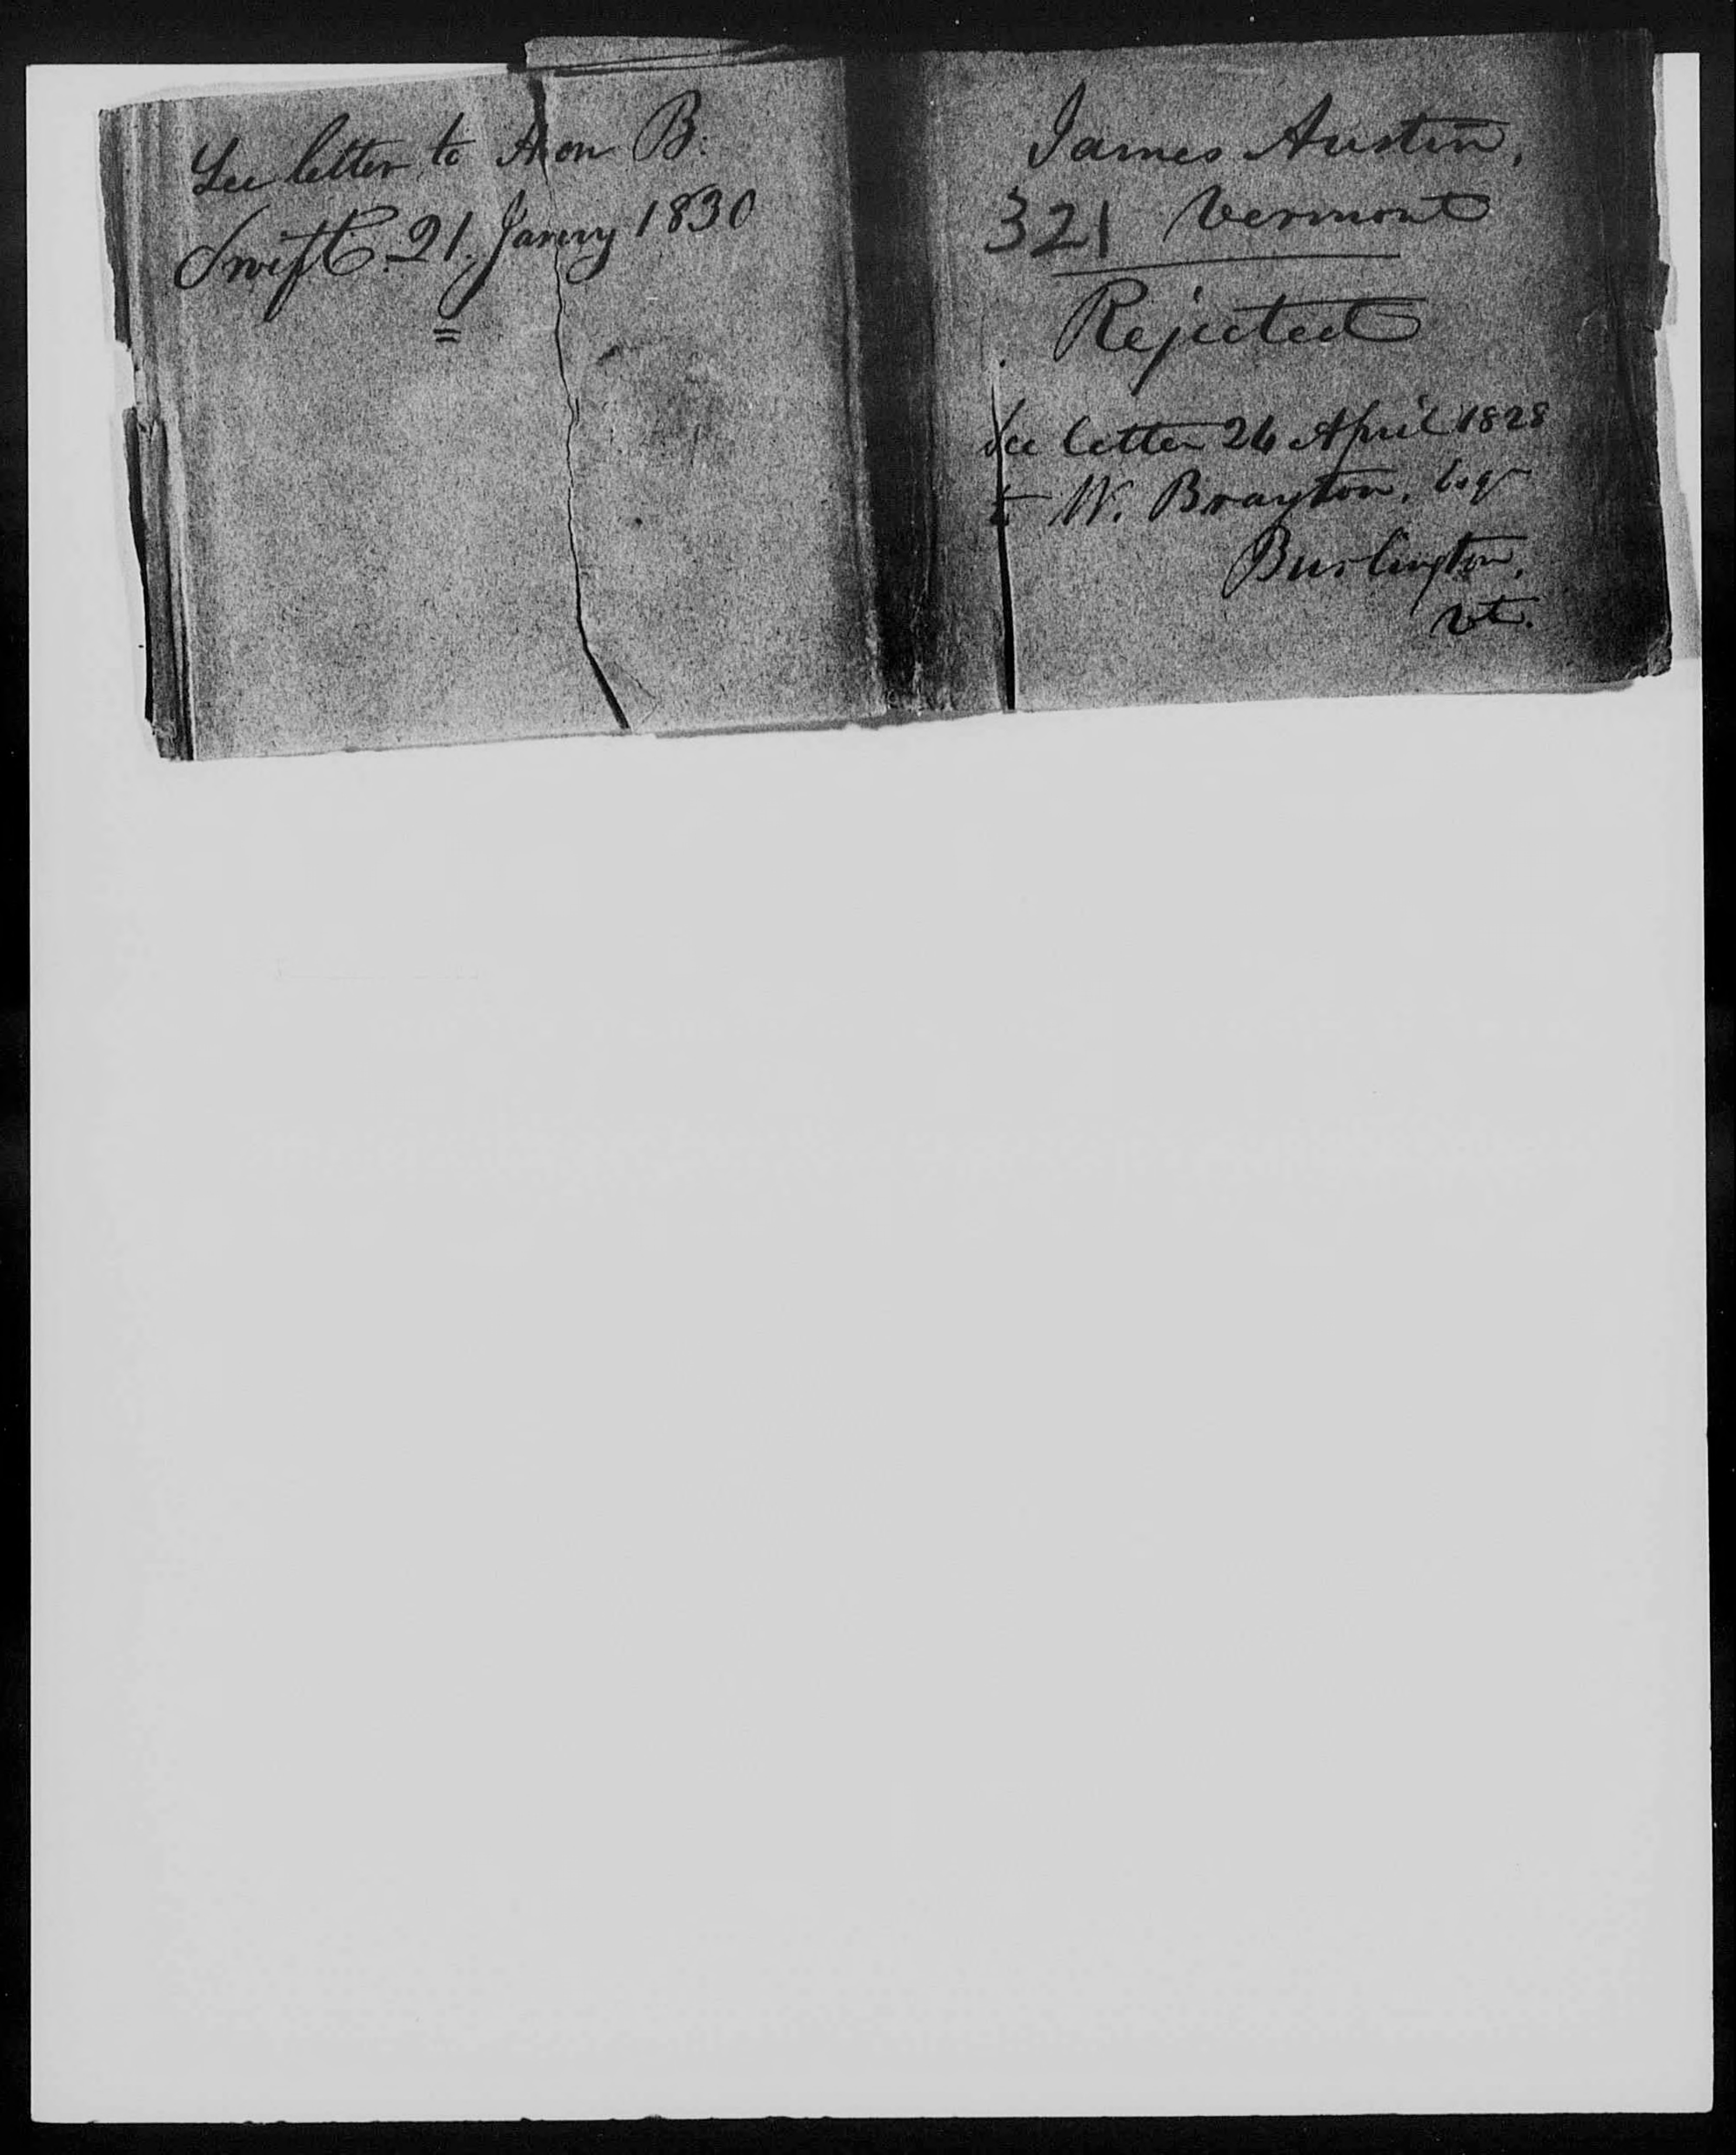See letter to Hon. B.
Swift 21. January 1830
James Austin,
321 Vermont
Rejected
See letter 26 April 1828
to W. Brayton, Esq
Burlington, VT.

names: James Austin, W Brayton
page: 39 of 100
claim: survivor's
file: S 19186, James Austin, Conn. New York R.I.